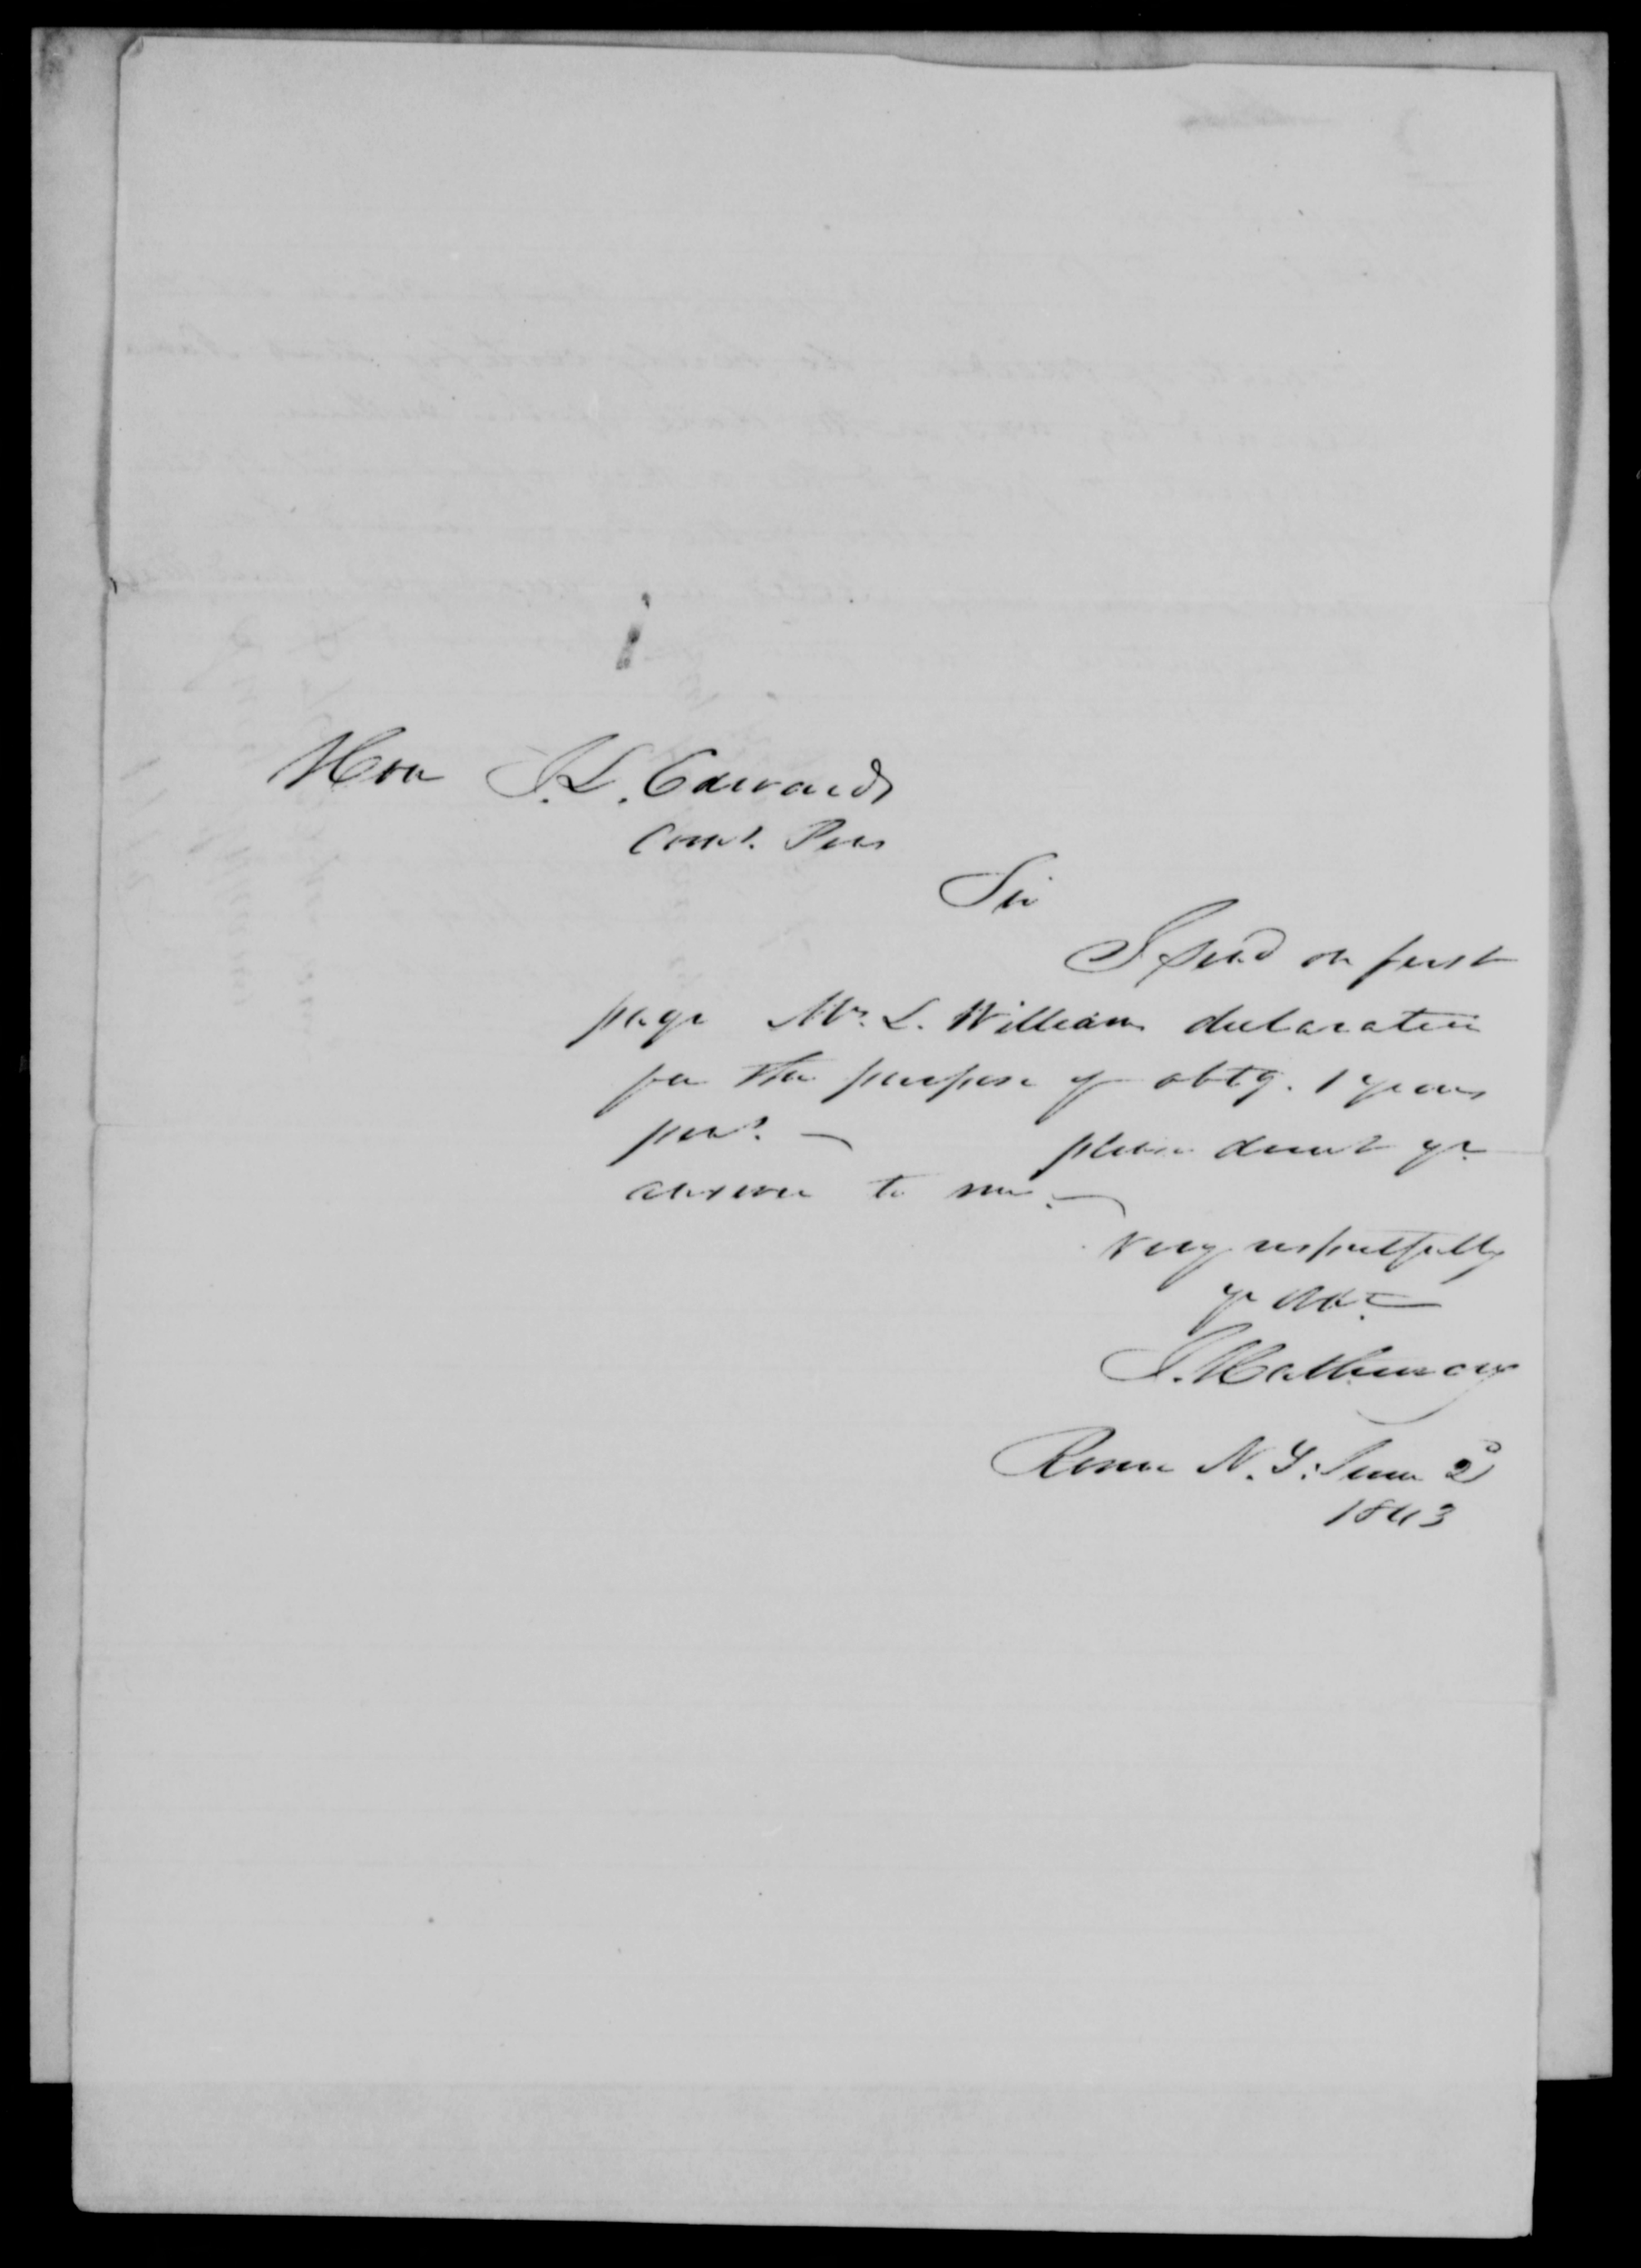Hon. J. L. Gaurand Court Pleas
Sir. 
I send on first page Mr. L. Williams declaration for the purpose of obtg. 1 years pension. Please declare yr. answer to me.
Very respectfully yr. Obt
J. Hathaway
Rome N. Y.  June 2 1843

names: J L Edwards, J Hathewary, L Williams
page: 26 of 63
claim: widow's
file: W. 22,632, David Williams, Conn. Continental Privateer